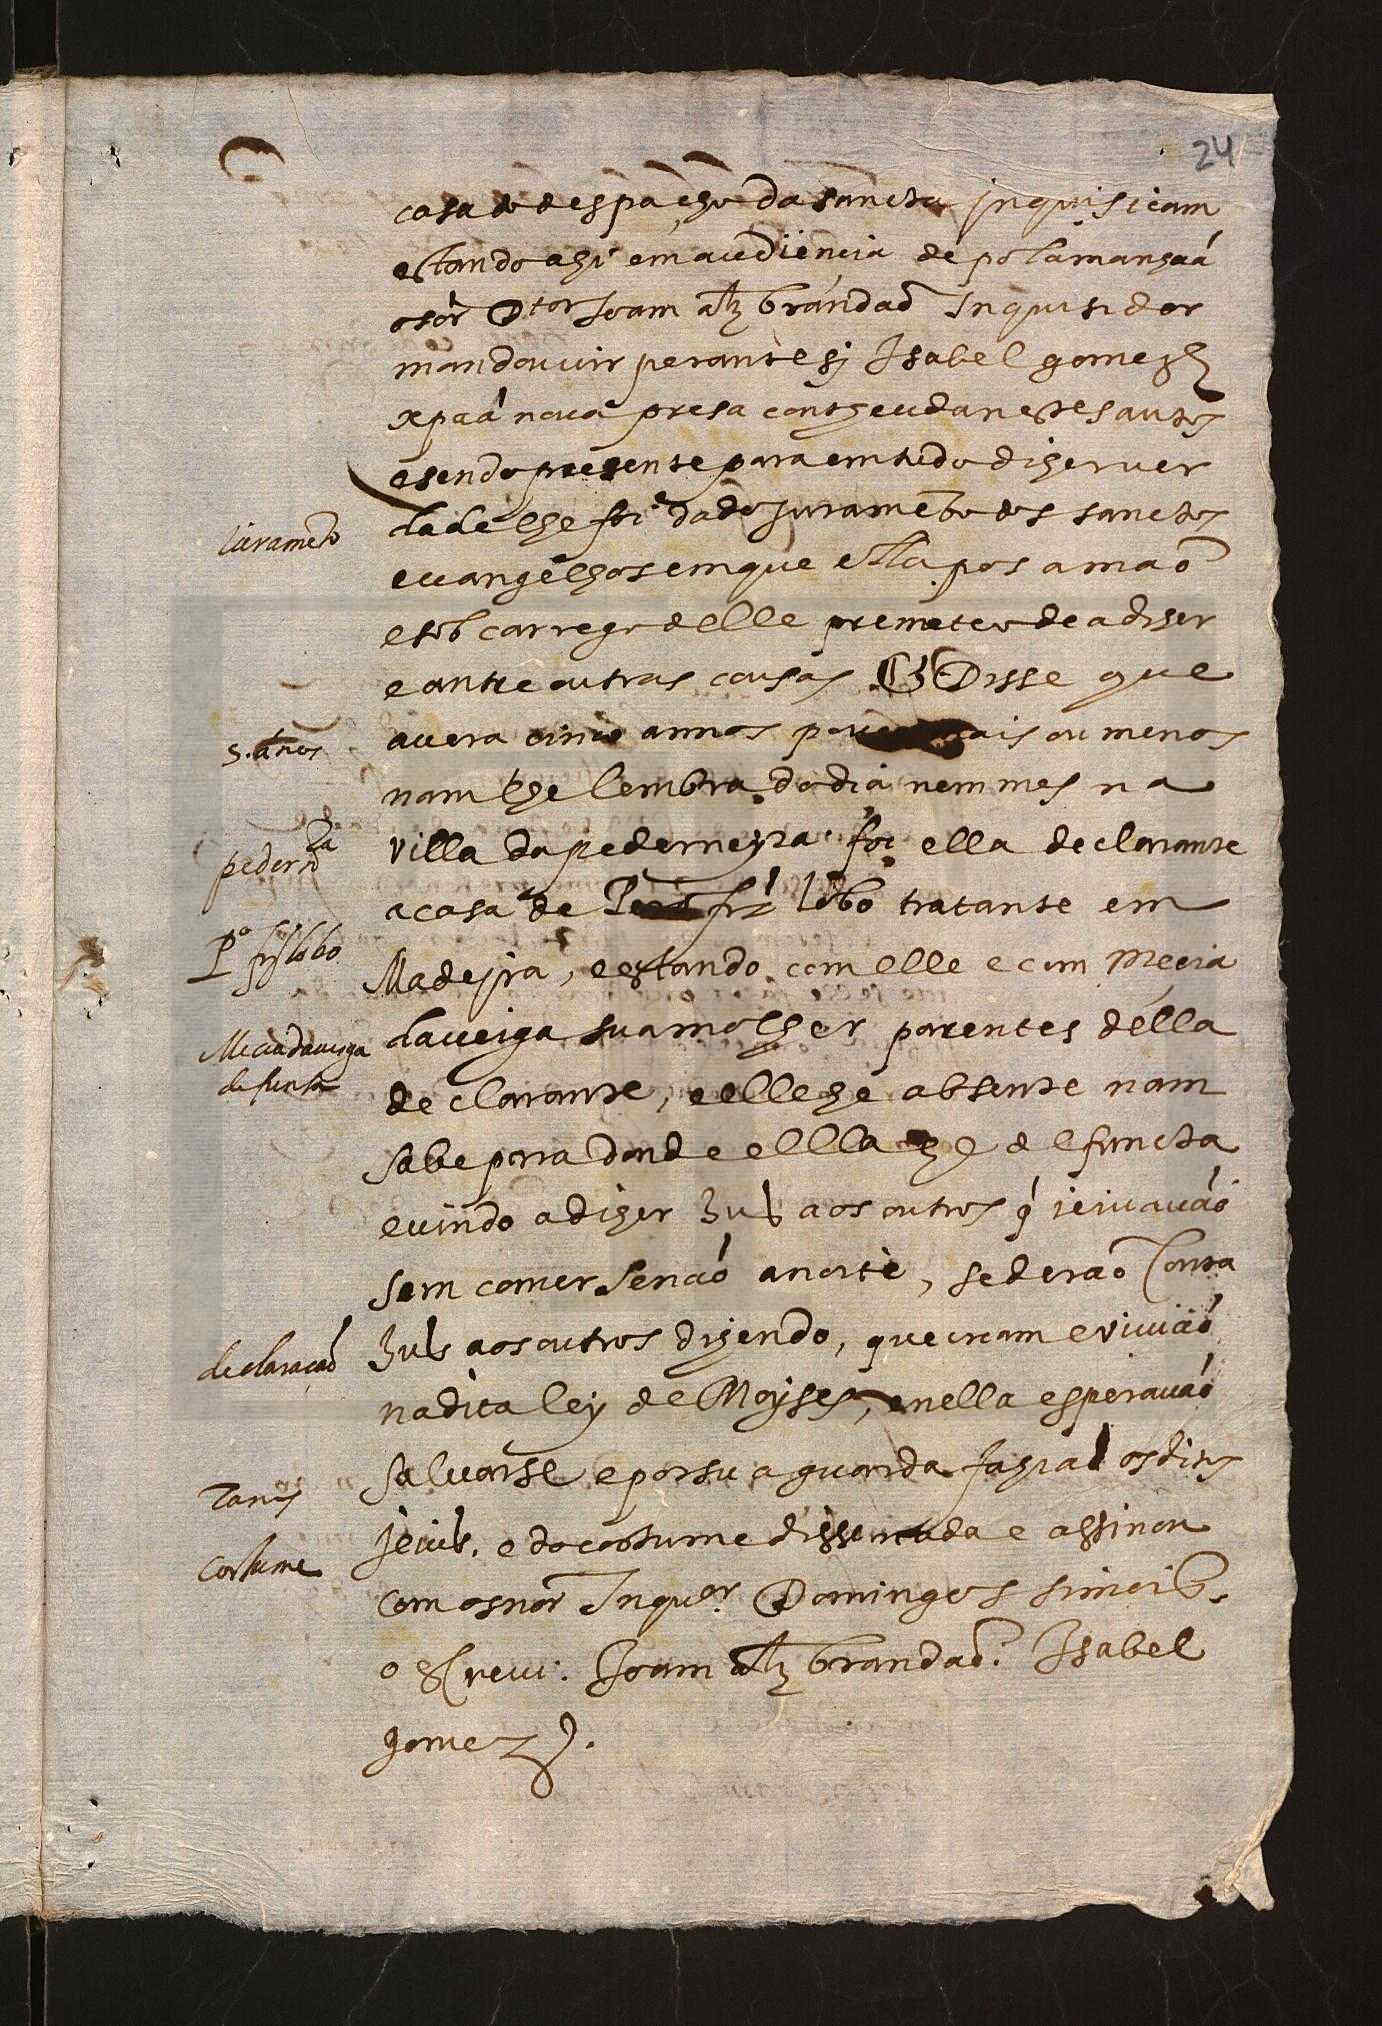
Iuramēto
5. anos
pedernra
Po frz̄ lobo
Mecia da ueiga
defunta
declaraçaõ
Tanis
costume
casa do despacho da sancta jnquisiçam
estando ahi em audiencia de pola manhaā
o sor̄ Dtor Joam al̄z brandaõ Inquisidor
mandou uir perante sj Jsabel gomez
xpaā noua presa contheuda nestes autos
e sendo presente para em tudo dizer uer
dade lhe foi dado Juramēto dos sanctos
euangelhos em que ella pos a maõ
e sob carrego delle premeteo de a dizer
e antre outra cousas ⁋ Disse que
auera cinco annos pou_ _ais ou menos
nam lhe lembra do dia nem mes na
villa da pederneyra foi ella declarante
a casa de Pero frz̄ lobo tratante em
Madejra, e estando com elle e com mecia
da ueiga sua molher parentes della
declarante, e ele he absente nam
sabe pera donde ella he defuncta
e uindo a dizer hūs aos outros q̄ ieiuauão
sem comer senão a noite, se deraõ Conta
hūs aos outros dizendo, que criam e viuiaõ
na dita ley de Moyses, e nella esperauaõ
Saluarse e por sua guarda fazia_ os ditos
Jeiūs, e do costume disse nada e assinou
com o snōr Inquo.r Domingos simois̄
o escreui: Joam al̄z brandaõ. Jsabel
gomez
